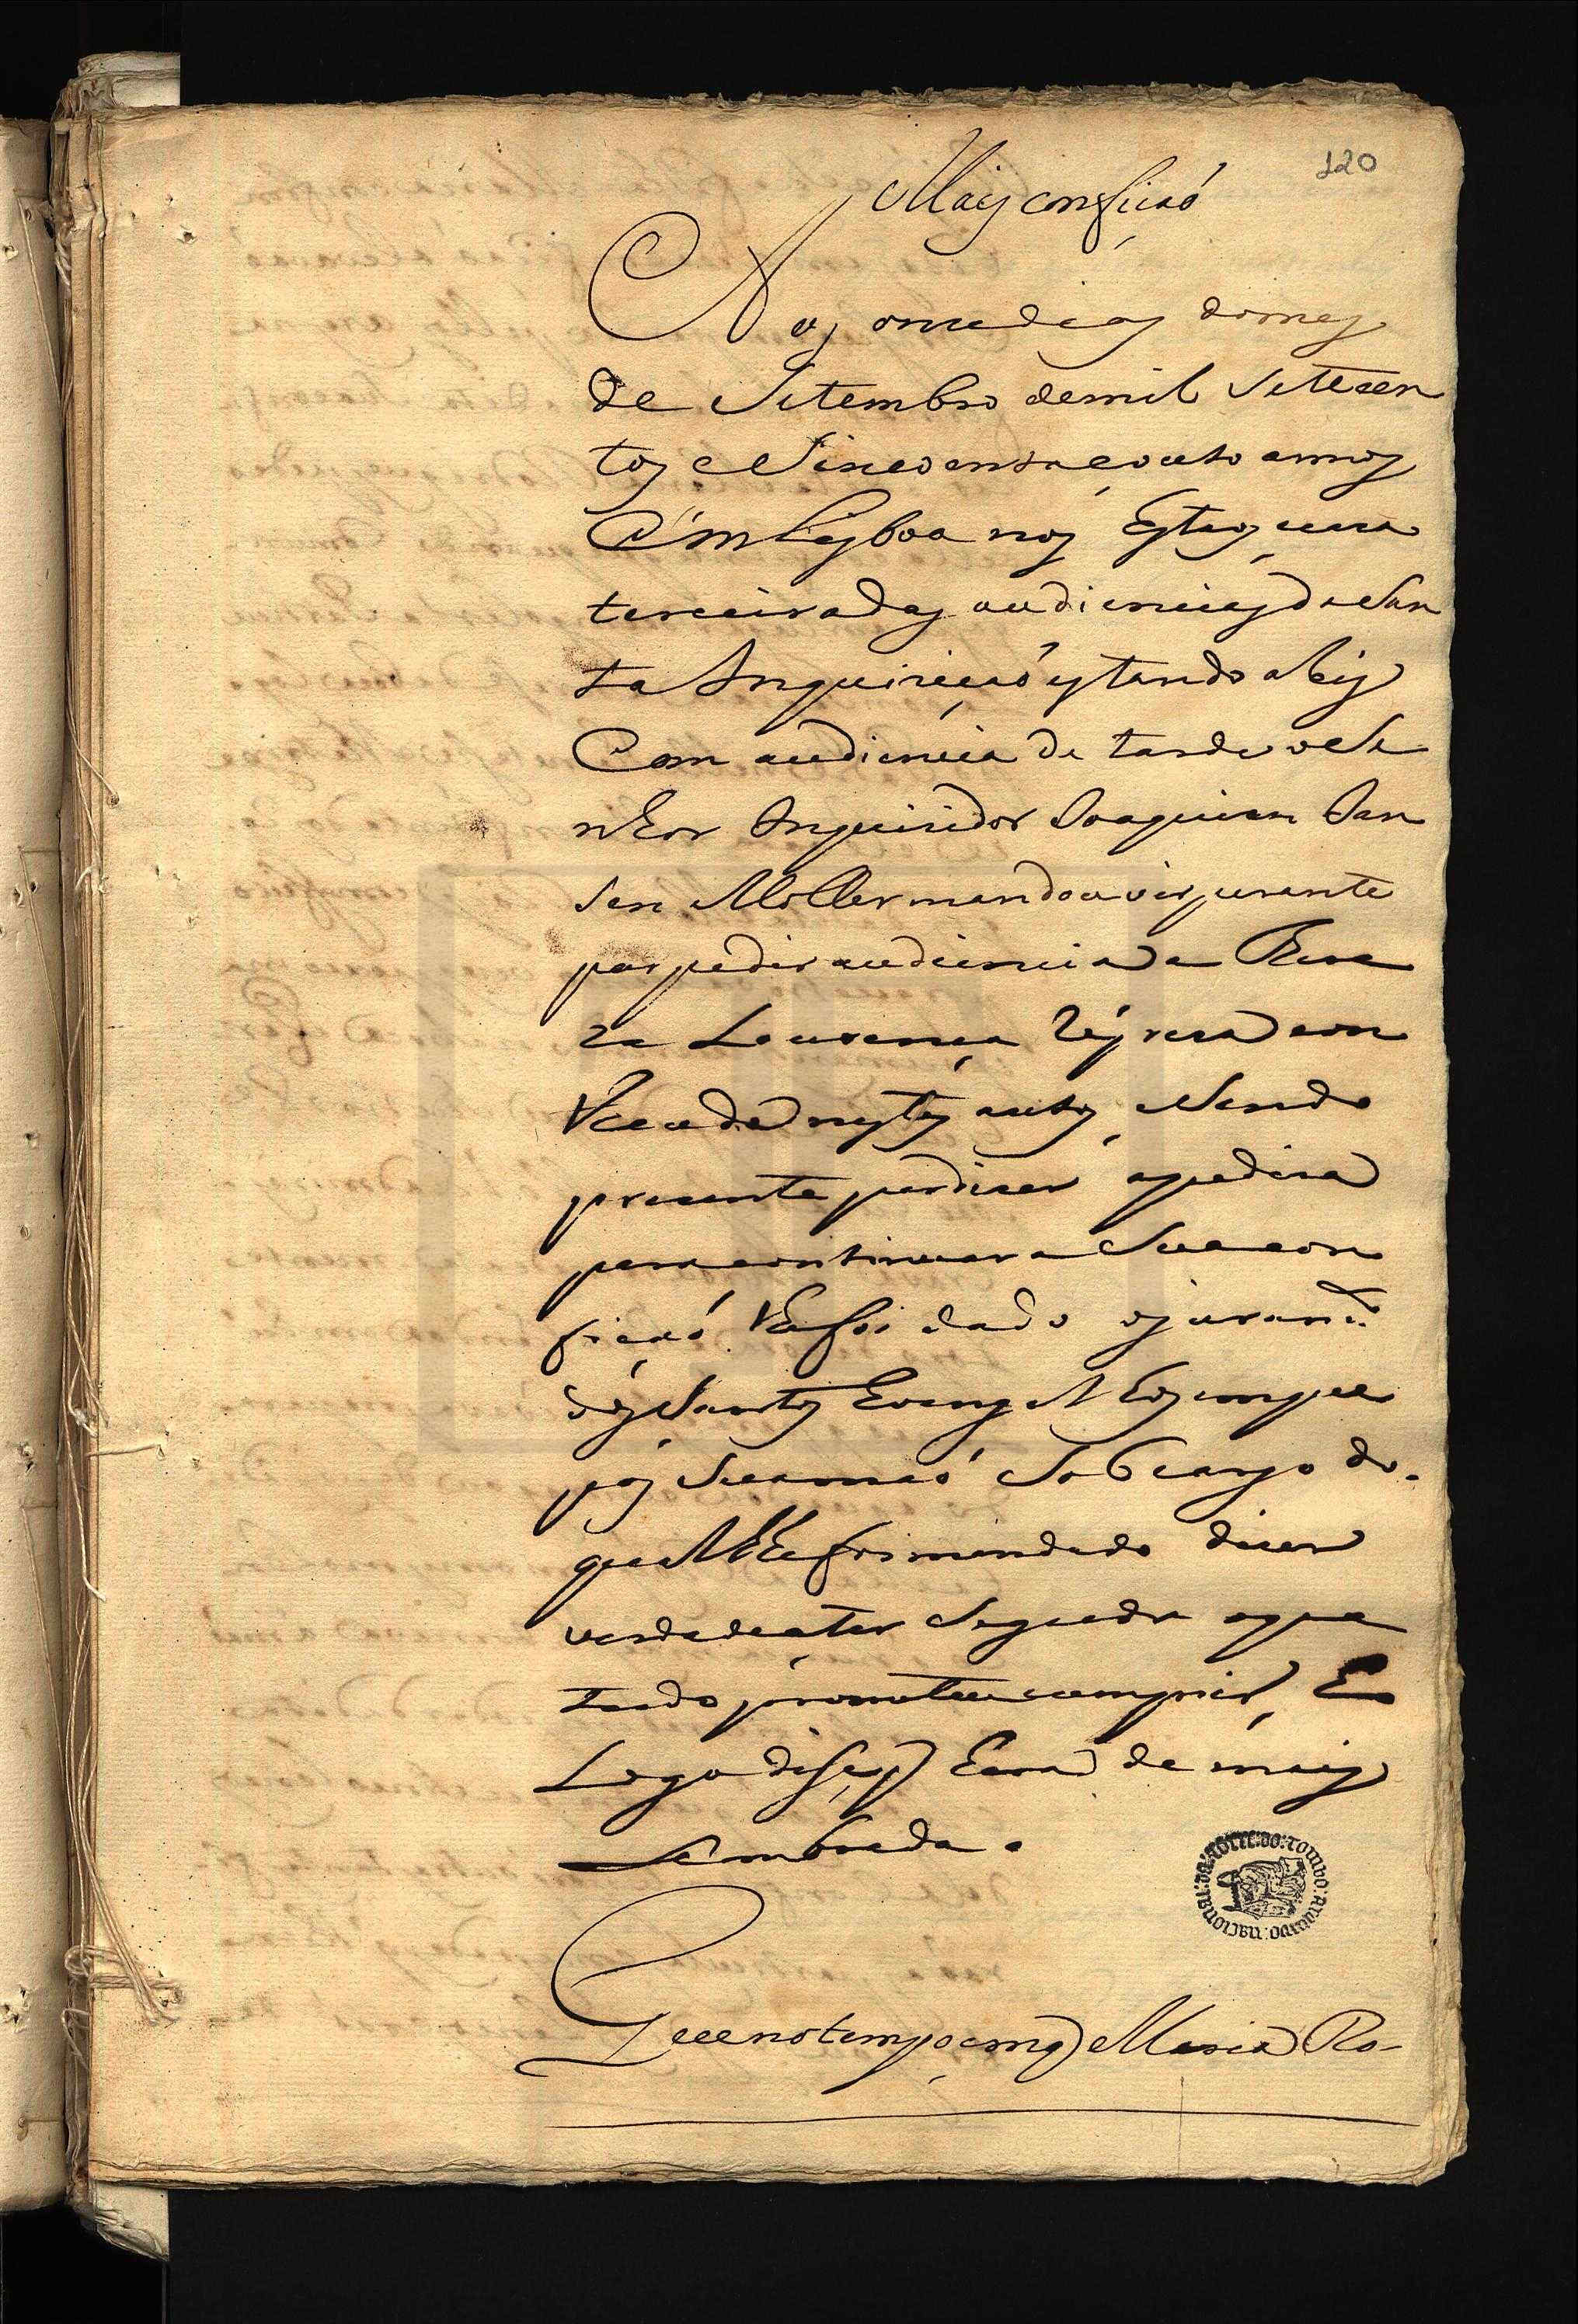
Mais confiçaõ
Aos onze dias do mes
de Setembro de mil Setecen
tos e Sincoenta e outo annos
em Lisboa nos Estaos e caza
terceira das audiencias da San
ta Inquiziçaõ estando ahy
Com audiencia de tarde o Se
nhor Inquizidor Ioaquim Ian
sen Moller mandou vir perante
por pedir audiencia a Thera
za Lourença Ré preza con
theuda nestes autos, e Sendo
prezente por dizer a pedira
para continuar a Sua con
fiçaõ lhe foi dado o juram.to
dos Santos Evangelhos em que
pos Sua maõ Sob cargo do
qual lhe foi mandado dizer
verdade e ter Segredo o que
tudo prometeu cumprir, E
Logo dise q̄ hera de mais
Lembrada.
Que no tempo em q̄ Maria Ro
